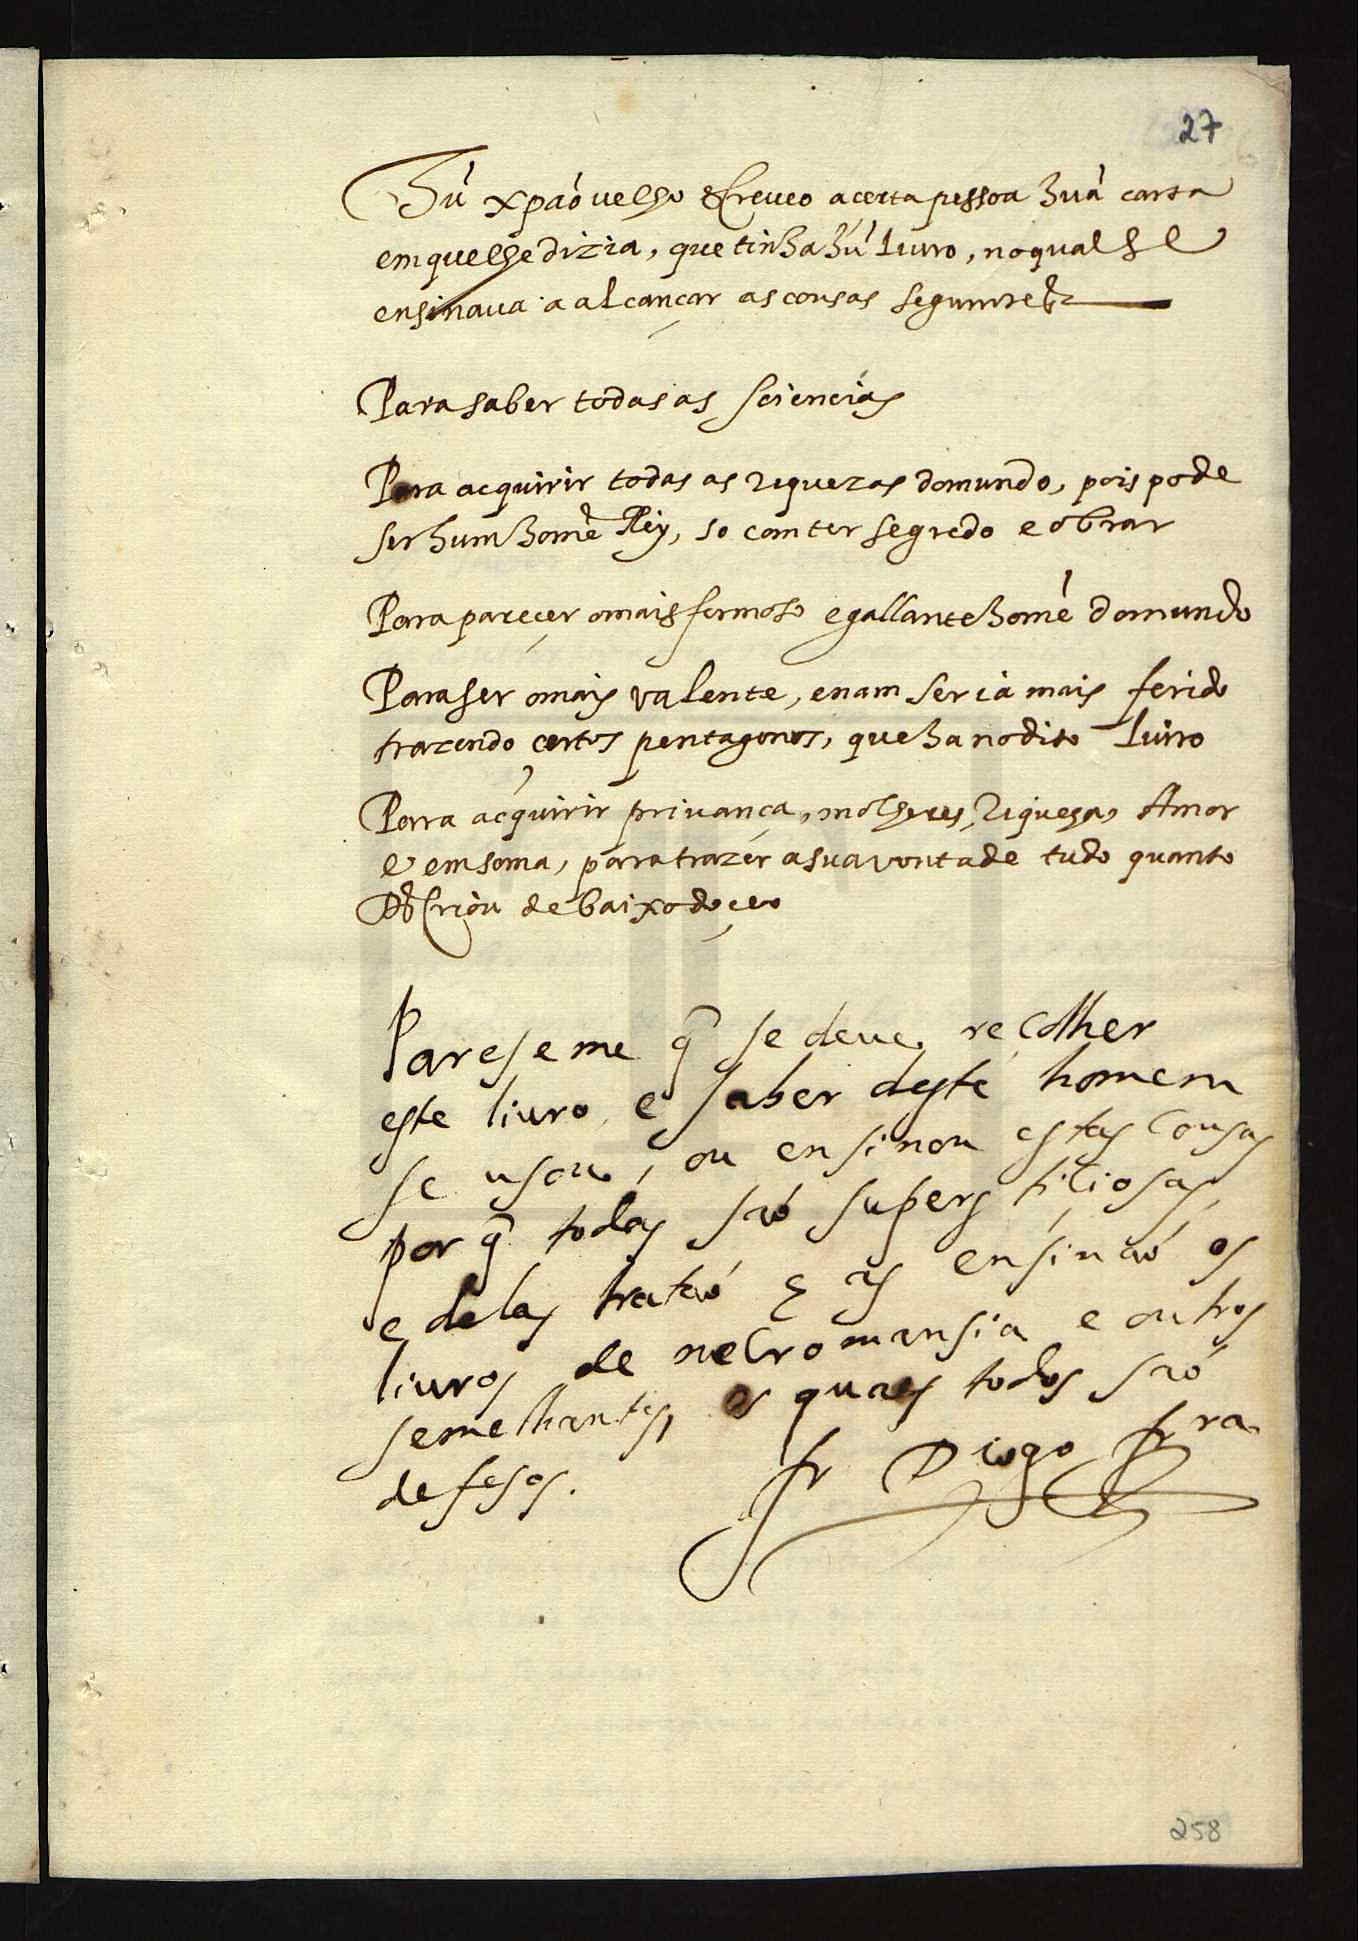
hū Xpaõ uelho esCreueo a certa pessoa huā carta
em que lhe dizia, que tinha hū liuro, no qual se
ensinaua a alcançar as cousas seguintes
Para saber todas as sciencias
Para acquirir todas as riquezas do mundo, pois pode
ser hum homē Rey, so com ter segredo e obrar
Para parecer o mais fermoso e gallante homē do mundo
Para ser o mais valente, e nam ser iamais ferido
trazendo certos pentagonos, que ha no dito Liuro
Para acquirir priuança, molheres, Riqueza, Amor
e em soma, para trazer a sua vontade tudo quanto
Ds̄ Criou debaixo do ceo
Pareseme q̄ se deue recolher
este liuro, e saber deste homem
se usou, ou ensinou estas cousas
porq̄ todas saõ supersticiosas,
e delas trataõ E as ensinaõ os
liuros de necromansia, e outros
semelhantes, os quaes todos saõ
defesos.
fr Diogo frra
